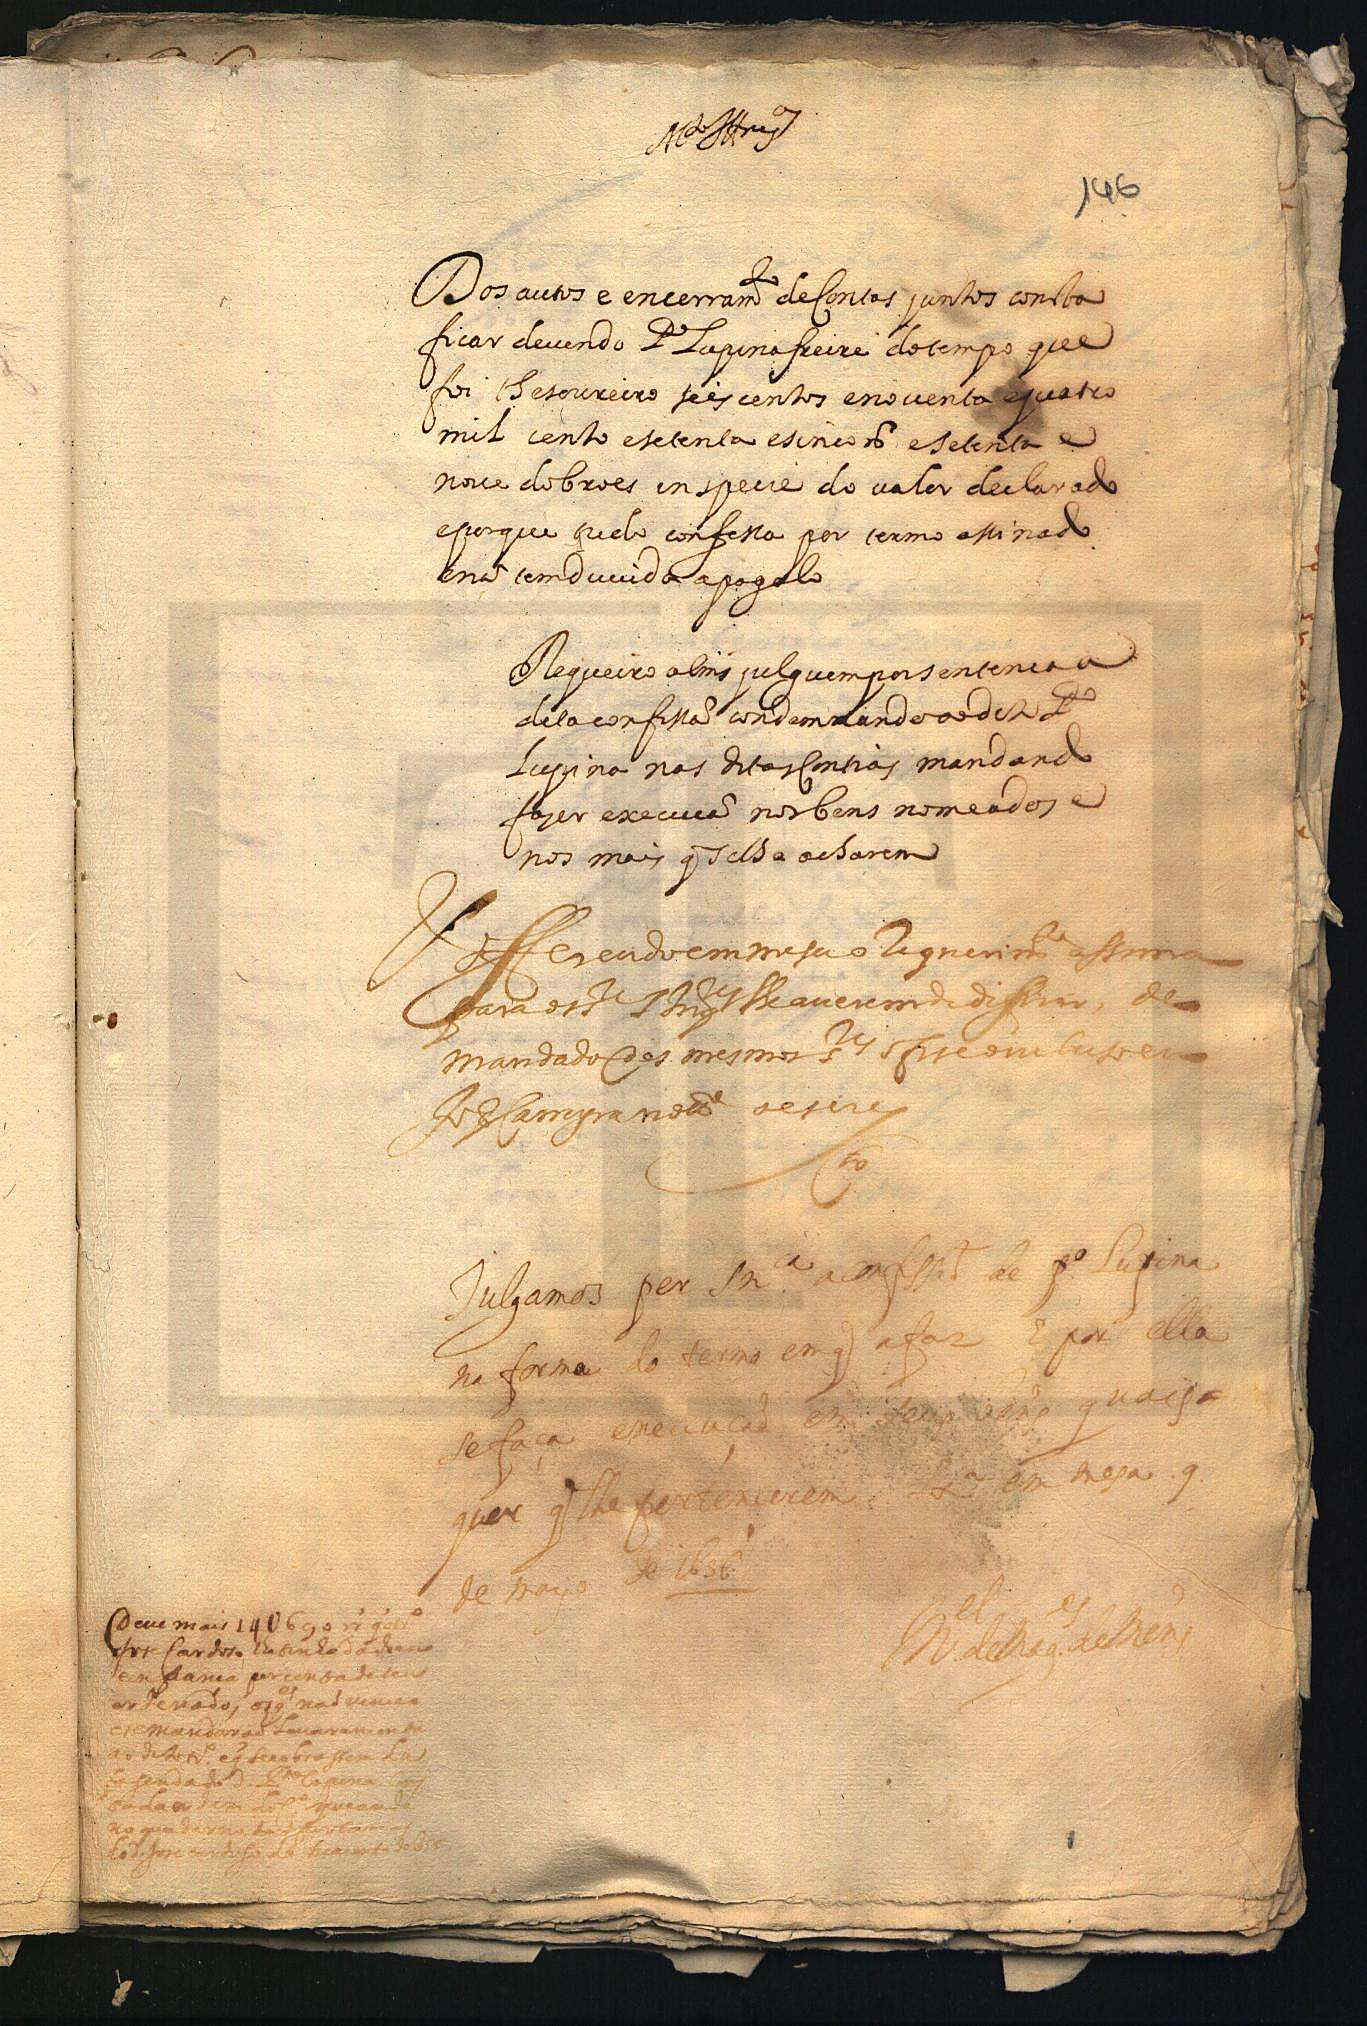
Mto Illre Sor
Dos autos e encerramto de Contas juntos consta
ficar deuendo Po Lupina freire do tempo que
foi thesoureiro seiscentos e nouenta e quatro
mil cento e setenta e sinco rs̄ e setenta e
noue dobroes in specie do ualor declarado
e porque tudo confessa por termo assinado
e naõ tem duuida a pagalo
Requeiro a vms̄ julguem por sentença a
dita confissaõ condemnando ao dito Po
Lupina nas ditas Contias mandando
fazer execuçaõ nos bens nomeados e
nos mais q̄ se lhe acharem
& offerecido em mesa o Requerimto assima
para os sres Inqres lhe auerem de diffirir, de
mandado dos mesmos sres o fis concluso eu
Joā Carreyra nottro o escreꝭ
Clo
Julgamos per snça a confissaõ de po Lupina
na forma do termo em q̄ a faz E por ella
se faça execuçaõ em seus bens quais _
quer q̄ lhe pertencerem Lx.a em mesa .9.
de mayo de i656.
M.el de Mag.es de Men̄s
Deue mais 14$690 rs̄ q̄ o tro
Jose Cardoso lhe tinha do
confiança por conta de seu
ordenado, os qes naõ uencia
e se mandaraõ l
ao dito tr.o e q̄ se cobrassem da
do d.o P.o lopina
